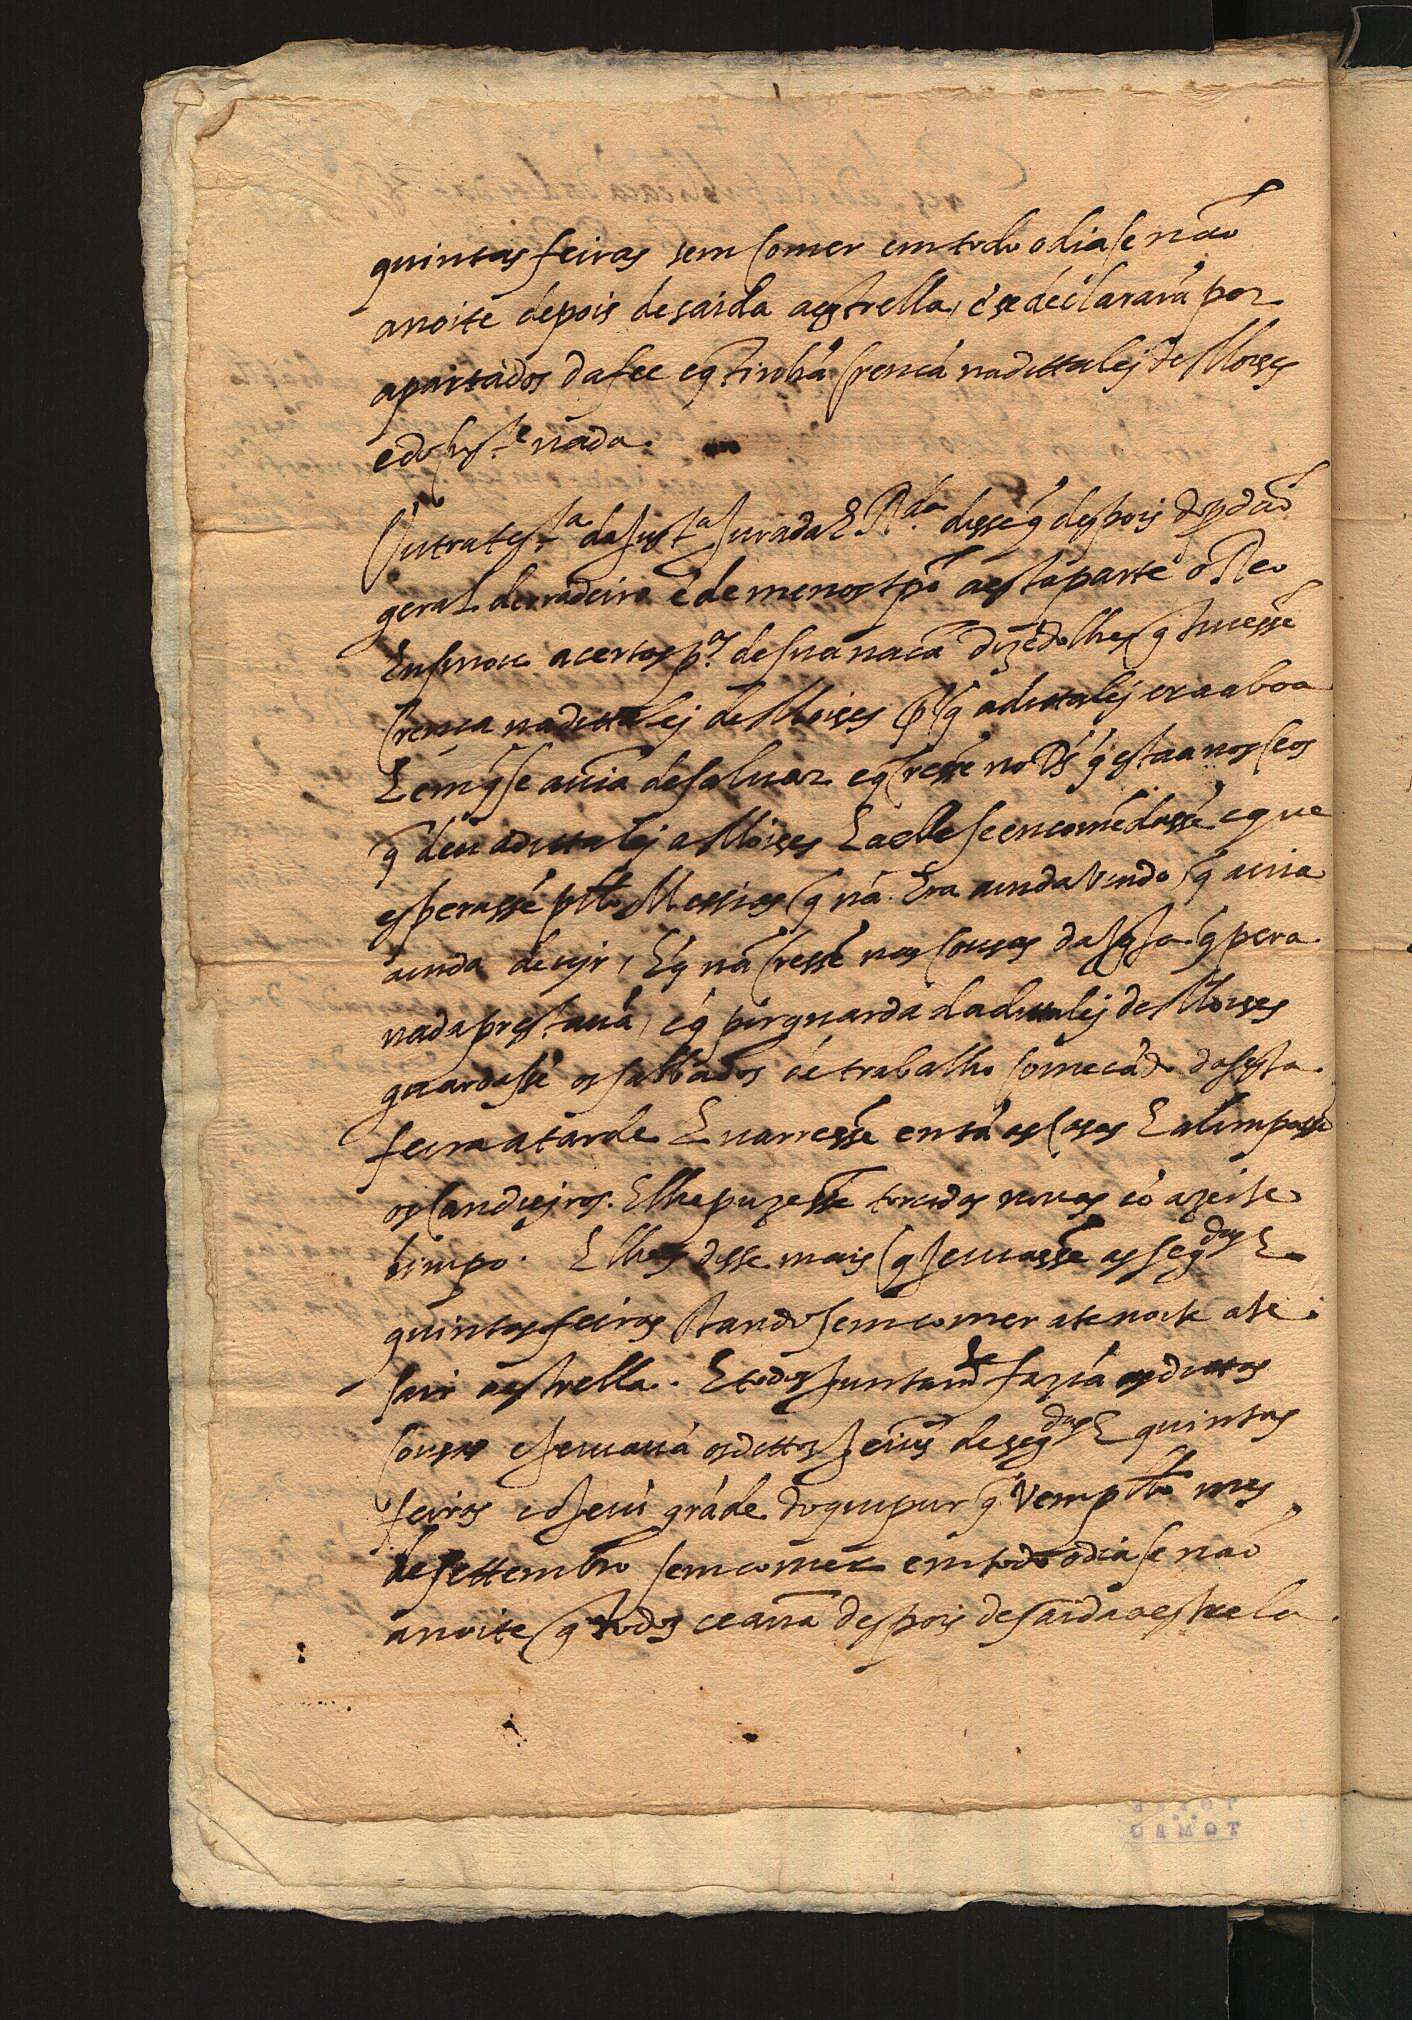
quintas feiras sem Comer em todo o dia senaõ
a noite depois de saida a estrella, e se declararā por
apartados da fee e q̄ tinhā Crença na ditta lej de Moises
e do Custe nada.
Outra testa da Justa Jurada e Rd.a disse q̄ despois do ꝑdaõ
geral derradeiro e de menos tpō a esta parte o Reo
Ensinou a certas p.as de sua naçā dizēdolhes q̄ tiuessē
Crença na ditta lej de Moises p̄q̄ a ditta lej era a boa
E em q̄ se auia de saluar e q̄ Cressē no Ds̄ q̄ estaa nos Ceos
q̄ deu a ditta lej a Moises E a elle se encomēdassē e que
esperassē pll̄o Messias q̄ nā Era ainda vindo, q̄ auia
ainda de ujr, E q̄ nā Cressē nas Cousas da JḡJa q̄ pera
nada prestauā, e q̄ por guarda da ditta lej de Moises
guardasse os sabbados de trabalho começādo da sesta
feira a tarde E uarressē entā as Casas E alimpassē
os Candiejros. E lhe puzessē torcidas nouas cō azeite
limpo. E lhes disse mais q̄ Jeiuassē as segdas E
quintas feiras stando sem comer ate noite ate
sair a estrella. E todos Juntamte faziā as dittas
Cousas e Jeiuauā os dittos Jeiūs de segdas E quintas
feiras e o Jeiū grāde do quipur q̄ vem pl̄lo mes
de settembro sem comer em todo o dia senaõ
a noite q̄ todos ceauā despois de saida a estrela
